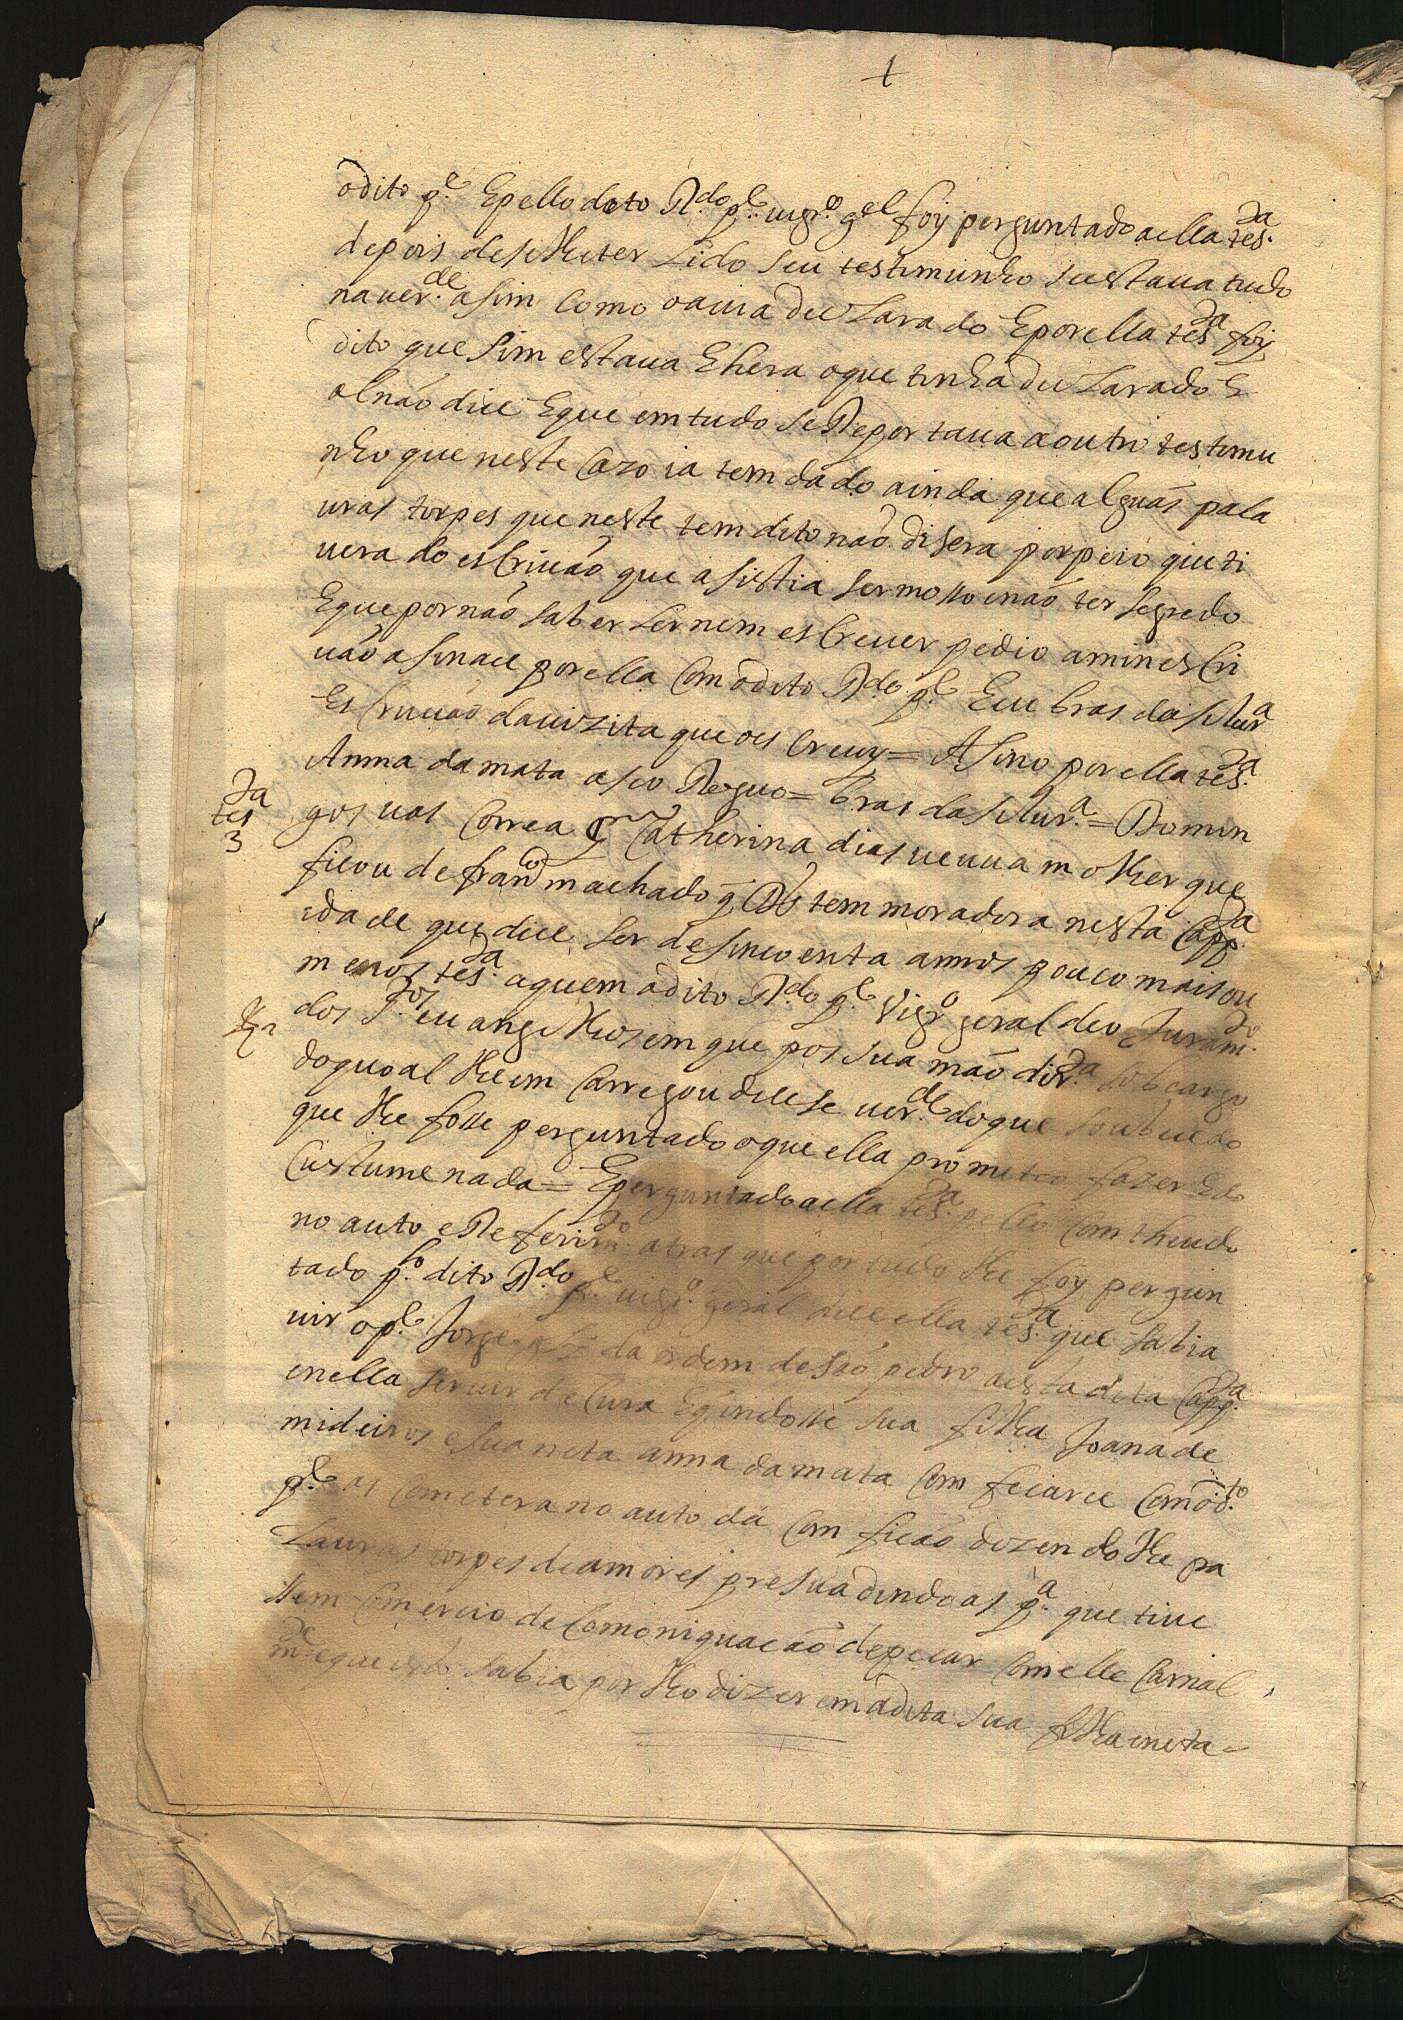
o dito p.e E pello dito R.do p.e uigr.o g.al foy perguntado a ella tes.ta
depois de se lhe ter Lido seu testimunho se estaua tudo
na uer.de asim como o auia declarado E por ella testa foy
dito que sim estaua E hera o que tinha declarado E
al naõ dice E que em tudo se Reportaua a outro testimu
nho que neste Cazo ia tem dado ainda que alguās pala
uras torpes que neste tem dito naõ disera por peio que ti
uera do esCriuaõ que asistia ser mosso e naõ ter segredo
E que por naõ saber Ler nem esCreuer pedio a min esCri
uaõ asinace por ella Com o dito R.do p.e E eu bras da Silura
EsCriuaõ da uizita que o escreuy = Asino por ella testa
Anna da mata a seo Roguo = bras da Silura. Domin
testa
gos uas Correa ¶ Catherina dias ueuua molher que
ficou de franco machado q̄ Ds̄ tem moradora nesta Cappta
idade que dice ser de sincoenta annos pouco mais ou
menos testa a quem o dito R.do p.e Vigro geral deo Juram.to
dos S.tos euangelhos em que pos sua maõ dir.ta sob cargo
do quoal lhe emCarregou dicese uer.de do que soubece do
que lhe fosse perguntado o que ella prometeo fazer E do
Custume nada = E perguntado a ella tes.ta pello Comtheudo
no auto e Referimto atras que por tudo lhe foy pergun
tado p.lo dito R.do p.e uigr.o geral dice ella tes.ta que sabia
uir o p.e Jorge glz̄ da ordem de Saõ pedro a esta dita Cappta
e nella seruir de Cura E q̄ indosse sua filha Joana de
mideiros e sua neta anna da mata Comfeçarce Com o d.o
p.e as Cometera no auto da Comfiçaõ dizendolhe pa
lauras torpes de amores presuadindo as p.a que tiue
ssem Comercio de Comoniquaçaõ de pecar Com elle Carnal
mte e que isto sabia por lho dizerem a dita sua filha e neta
